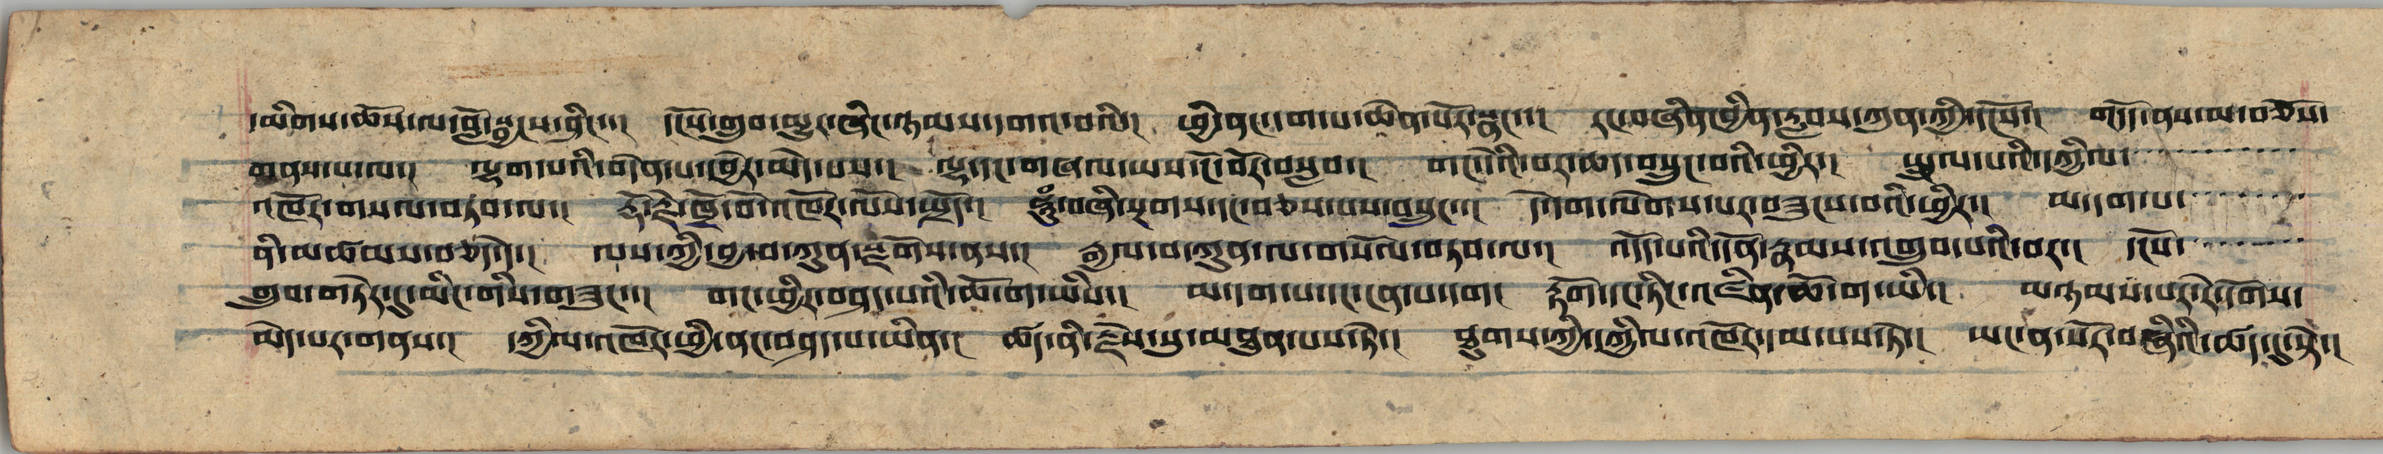དམིགས་ཆོས་ལ་བློ་སྦྱངས་ཤིང་་། དངོས་གྲུབ་མྱུར་ཞིང་ཉམས་དགའ་བའི་། ཕྱི་ནང་དག་པ་ཆེན་པོར་སྣང་་། རང་བཞིན་བྱིན་རླབས་ཀུན་ཀྱི་དངོས་། གདོད་ནས་མ་བཅོས་
གནས་པ་ལ་། ལྷག་པའི་བདེན་པ་དབྱེར་མེད་པས་། ལྷ་དང་གཞལ་ཡས་ངོ་བོར་བསླབ་། གང་དེའི་བར་ཆད་བསྲུང་བའི་ཕྱིར་། སྤྲུལ་པའི་དཀྱིལ་་་་་་་་་
འཁོར་གསལ་བཏབ་ལ་། རྡོ་རྗེ་ཁྲོ་བོ་འཁོར་ལོས་སྤྲོད་། ཧཱུཾ་བཞི་སྔགས་དང་བཅས་པས་བསྲུང་་། དེ་དག་ལེགས་པར་བཟུངས་བའི་ཕྱིར་། མ་དག་པ་་་་་་་
ནི་མཚམས་བཅད་དེ་། ལས་ཀྱི་བྱ་བ་ཀུན་སྫོགས་ནས་། རྒྱལ་བ་ཀུན་ལ་གསོལ་བཏབ་ལ་། འདོད་པའི་དོན་རྣམས་འགྲུབ་པའི་བར་། དངོས་
གྲུབ་གཏེར་དུ་མིང་གིས་གཟུང་་། གང་ཕྱིར་བཤད་པའི་ཆོ་ག་ཡིས་། མ་དག་པ་དང་ངན་པ་དག། རྟོག་དང་ཏིང་འཛིན་ཆོ་ག་ཡི་། མཉམས་པར་རེ་དོགས་
མེད་པར་གནས་། དཀྱིལ་འཁོར་ཕྱི་ནང་བཤད་པ་ཡིན་། ཚད་ནི་རྗེས་སུ་མཐུན་པས་ཏེ་། ཐུགས་ཀྱི་དཀྱིལ་འཁོར་དམ་པས་ཏེ་། ཡང་ན་སོར་བཞིའི་ཚད་དུ་སྟེ་།